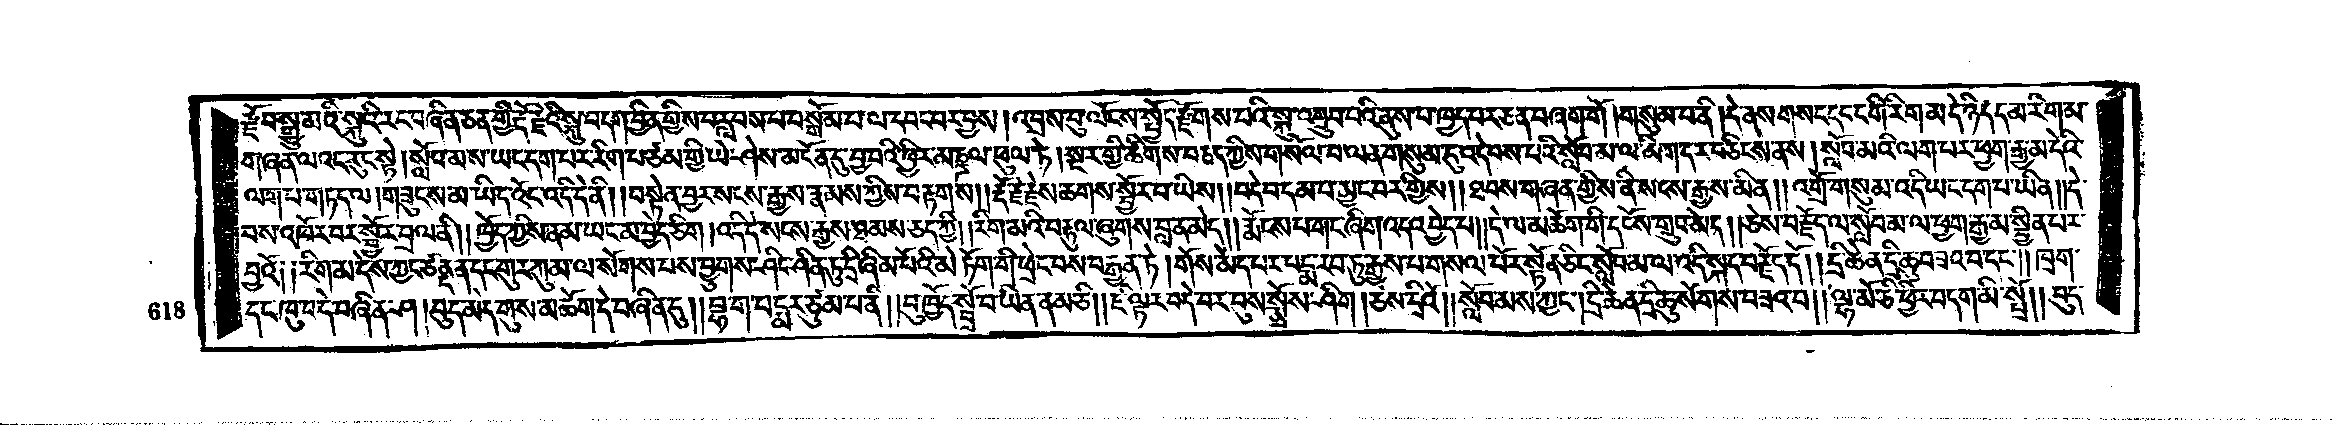རྫོབ་སྒྱུ་མའི་སྐུའི་རང་བཞིན་ཅན་གྱི་རྡོ་རྗེའི་སྐུ་བདག་བྱིན་གྱིས་བརླབས་པ་བསྒོམ་པ་ལ་དབང་བར་བྱས། འབྲས་བུ་ལོངས་སྤྱོད་རྫོགས་པའི་སྐུ་འགྲུབ་པའི་ནུས་པ་ཁྱད་པར་ཅན་བཞག་གོ །གསུམ་པ་ནི། དེ་ནས་གསང་དབང་གི་རིག་མ་དེ་ཉིད་དམ་རིག་མ་
གཞན་ལའང་རུང་སྟེ། སློབ་མས་ཡང་དག་པར་རིག་པ་ཙམ་གྱི་ཡེ་ཤེས་མངོན་དུ་བྱ་བའི་ཕྱིར་མཎྜལ་ཕུལ་ཏེ། སྔར་གྱི་ཚིགས་བཅད་ཀྱིས་གསོལ་བ་ལན་གསུམ་དུ་འདེབས་པའི་སློབ་མ་ལ་མིག་དར་བཅིངས་ནས། སློབ་མའི་ལག་པར་ཕྱག་རྒྱ་མ་དེའི་
ལག་པ་གཏད་ལ། གཟུངས་མ་ཡིད་འོང་འདི་དེ་ནི། །བསྟེན་བྱར་སངས་རྒྱས་རྣམས་ཀྱིས་བརྟགས། །རྡོ་རྗེ་རྗེས་ཆགས་སྦྱོར་བ་ཡིས། །བདེ་བ་དམ་པ་མྱང་བར་གྱིས། །ཐབས་གཞན་གྱིས་ནི་སངས་རྒྱས་མིན། །འགྲོ་གསུམ་འདི་ཡང་དག་པ་ཡིན། །དེ་
བས་འཁོར་བར་སྦྱོར་བྲལ་ནི། །ཁྱོད་ཀྱིས་ནམ་ཡང་མ་བྱེད་ཅིག །འདི་དེ་སངས་རྒྱས་ཐམས་ཅད་ཀྱི། །རིག་མའི་བརྟུལ་ཞུགས་བླ་ན་མེད། །རྨོངས་པ་གང་ཞིག་འདའ་བྱེད་པ། །དེ་ལ་མཆོག་གི་དངོས་གྲུབ་མེད། །ཅེས་བརྗོད་ལ་སློབ་མ་ལ་ཕྱག་རྒྱ་མ་སྦྱིན་པར་
བྱའོ། །རིག་མ་དེས་ཀྱང་ཙནྡན་དང་གུར་ཀུམ་ལ་སོགས་པས་བྱུགས་ཤིང་ཤིན་ཏུ་དྲི་ཞིམ་པོའི་མེ་ཏོག་གི་ཕྲེང་བས་བརྒྱན་ཏེ། གོས་མེད་པར་པདམ་རབ་ཏུ་རྒྱས་པ་གསལ་པོར་སྟོན་ཅིང་སློབ་མ་ལ་འདི་སྐད་བརྗོད་དོ། །དྲི་ཆེན་དྲི་ཆུ་བཟའ་བ་དང་། །ཁྲག་
དང་ཁུ་བ་དེ་བཞིན་ཤ། བུད་མེད་གུས་མཆོག་དེ་བཞིན་དུ། །བྷ་ག་པདམར་ཙུམ་པ་ནི། །བུ་ཁྱོད་སྤྲོ་བ་ཡིན་ནམ་ཅི། །ཇི་ལྟར་བདེ་བར་བུས་སྨྲོས་ཤིག །ཅེས་དྲིའོ། །སློབ་མས་ཀྱང་། དྲི་ཆེན་དྲི་ཆུ་སོགས་བཟའ་བ། །ལྷ་མོ་ཅི་ཕྱིར་བདག་མི་སྤྲོ། །བུད་